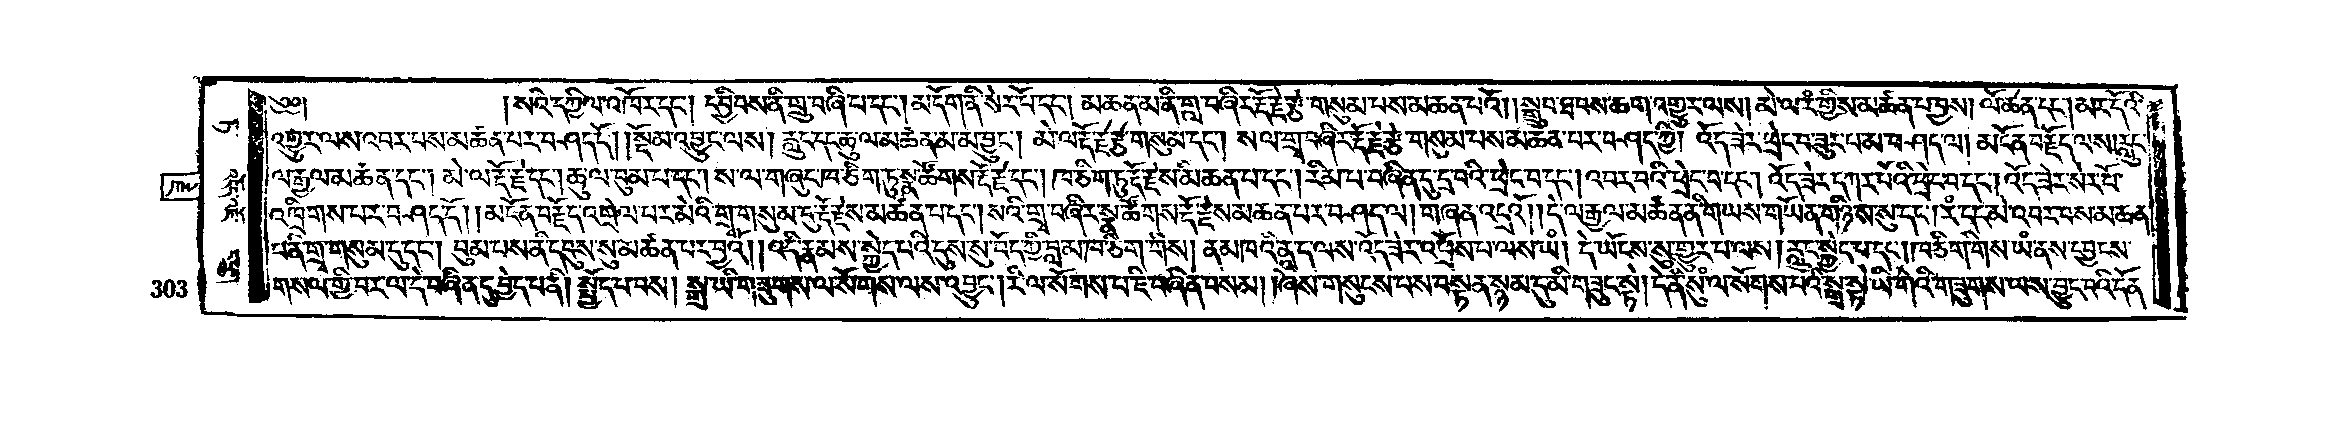༄༅། །སའི་དཀྱིལ་འཁོར་དང་། དབྱིབས་ནི་གྲུ་བཞི་པ་དང་། མདོག་ནི་སེར་པོ་དང་། མཚན་མ་ནི་གྲྭ་བཞིར་རྡོ་རྗེ་རྩེ་གསུམ་པས་མཚན་པའོ། །སྒྲུབ་ཐབས་ཆག་འགྱུར་ལས། མེ་ལ་རཾ་གྱིས་མཚན་པ་བྱས། ལོ་ཆེན་དང་། མར་དོའི་
འགྱུར་ལས་འབར་པས་མཚན་པར་བཤད་དོ། །སྡོམ་འབྱུང་ལས། རླུང་དང་ཆུ་ལ་མཚན་མ་མ་བྱུང་། མེ་ལ་རྡོ་རྗེ་རྩེ་གསུམ་དང་། ས་ལ་གྲྭ་བཞིར་རྡོ་རྗེ་རྩེ་གསུམ་པས་མཚན་པར་བཤད་ཀྱི། འོད་ཟེར་ཕྲེང་བ་ཟུར་པ་མ་བཤད་ལ། མངོན་བརྗོད་ལས། རླུང་
ལ་རྒྱལ་མཚན་དང་། མེ་ལ་རྡོ་རྗེ་དང་། ཆུ་ལ་བུམ་པ་དང་། ས་ལ་གཞུང་ཁ་ཅིག་ཏུ་སྣ་ཚོགས་རྡོ་རྗེ་དང་། ཁ་ཅིག་ཏུ་རྡོ་རྗེས་མཚན་པ་དང་། རིམ་པ་བཞིན་དུ་དྲ་བའི་ཕྲེང་བ་དང་། འབར་བའི་ཕྲེང་བ་དང་། འོད་ཟེར་དཀར་པོའི་ཕྲེང་བ་དང་། འོད་ཟེར་སེར་པོ་
འཁྲིགས་པར་བཤད་དོ། །མངོན་བརྗོད་འགྲེལ་པར་མེའི་གྲྭ་གསུམ་དུ་རྡོ་རྗེ་མཚན་པ་དང་། སའི་གྲྭ་བཞིར་སྣ་ཚོགས་རྡོ་རྗེས་མཚན་པར་བཤད་ལ། གཞན་འདྲའོ། །དེ་ལ་རྒྱལ་མཚན་ནི་གཡས་གཡོན་གཉིས་སུ་དང་། རཾ་དང་མེ་འབར་བས་མཚན་
པ་ནི་གྲྭ་གསུམ་དུ་དང་། བུམ་པས་ནི་དབུས་སུ་མཚན་པར་བྱའོ། །འདི་རྣམས་སྐྱེད་པའི་དུས་སུ་བོད་ཀྱི་བླ་མ་ཁ་ཅིག་གིས། ནམ་མཁའི་ནཱ་ད་ལས་འོད་ཟེར་འཕྲོས་པ་ལས་ཡཾ། དེ་ཡོངས་སུ་གྱུར་པ་ལས། རླུང་སྐྱེད་པ་དང་། ཁ་ཅིག་གིས་ཡཾ་ནས་དབྱངས་
གསལ་གྱི་བར་ལ་དེ་བཞིན་དུ་བྱེད་པ་ནི། སྤྱོད་པ་བས། སྒྲ་ཡི་གཟུགས་ལ་སོགས་ལས་འབྱུང་། རི་ལ་སོགས་པ་ཇི་བཞིན་བསམ། །ཞེས་གསུངས་པས་བསྟན་སྙམ་དུ་མི་གཟུང་སྟེ། དེ་ནི་སུཾ་ལ་སོགས་པའི་སྒྲ་སྟེ་ཡི་གེའི་གཟུགས་ལས་བྱུང་བའི་དོན་